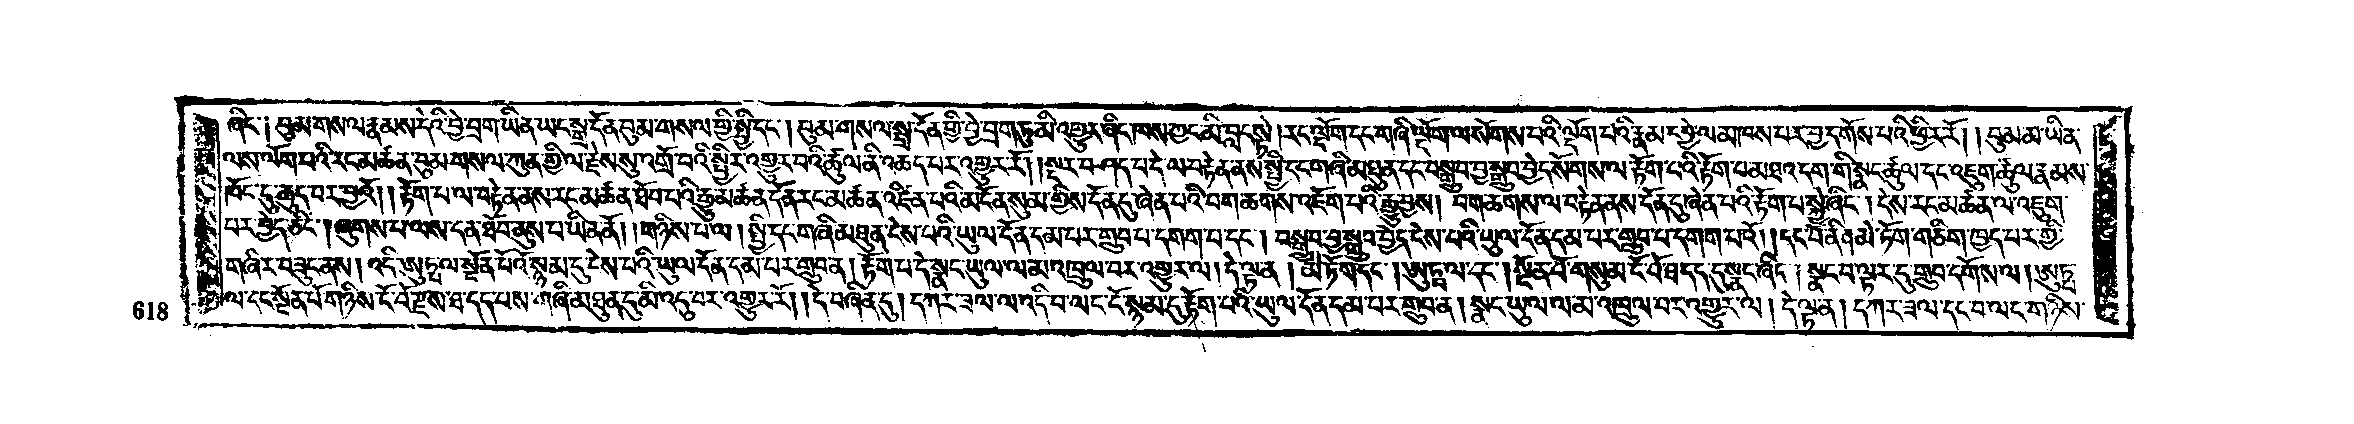ཞིང་། བུམ་གསལ་རྣམས་དེའི་བྱེ་བྲག་ཡིན་ཡང་སྒྲ་དོན་བུམ་གསལ་གྱི་སྤྱི་དང་། བུམ་གསལ་སྒྲ་དོན་གྱི་བྱེ་བྲག་ཏུ་མི་འགྱུར་ཞིང་ཁས་ཀྱང་མི་བླང་སྟེ། རང་ལྡོག་དང་གཞི་ལྡོག་ལ་སོགས་པའི་ལྡོག་པའི་རྣམ་དབྱེ་བ་མཁས་པར་བྱ་དགོས་པའི་ཕྱིར། བུམ་མ་ཡིན་
ལས་ལོག་པའི་རང་མཚན་བུམ་གསལ་ཀུན་གྱིལ་རྗེས་སུ་འགྲོ་བའི་སྤྱིར་འགྱུར་བའི་ཚུལ་ནི་འཆད་པར་འགྱུར་རོ། །སྔར་བཤད་པ་དེ་ལ་བརྟེན་ནས་སྤྱི་དང་གཞི་མཐུན་དང་བསྒྲུབ་བྱ་སྒྲུབ་བྱེད་སོགས་ལ་རྟོག་པའི་རྟོག་པ་མཐའ་དག་གི་སྣང་ཚུལ་དང་འཇུག་ཚུལ་རྣམས་
ཁོང་དུ་ཆུད་པར་བྱའོ། །རྟོག་པ་ལ་བརྟེན་ནས་རང་མཚན་ཐོབ་པའི་རྒྱུ་མཚན་འཛིན་པའི་མངོན་སུམ་གྱིས་དོན་དུ་ཞེན་པའི་བག་ཆགས་འཇོག་པའི་རྒྱུས་བྱས། བག་ཆགས་ལ་བརྟེན་ནས་དོན་དུ་ཞེན་པའི་རྟོག་པ་སྐྱེ་ཞིང་། དེས་རང་མཚན་ལ་འཇུག་
པར་བྱེད་ཅིང་། ཞུགས་པ་ལས་དན་ཐོབ་ནུས་པ་ཡིན་ནོ། །གཉིས་པ་ལ། སྤྱི་དང་གཞི་མཐུན་ངེས་པའི་ཡུལ་དོན་དམ་པར་གྲུབ་པ་དགག་པ་དང་། བསྒྲུབ་བྱ་སྒྲུབ་བྱེད་ངེས་པའི་ཡུལ་དོན་དམ་པར་གྲུབ་པ་དགག་པའོ། །དང་པོ་ནི། མེ་ཏོག་གཅིག་ཁྱད་པར་གྱི་
གཞིར་བཟུང་ནས། འདིཨུཏྤ་ལ་སྔོན་པོའོ་སྙམ་དུ་ངེས་པའི་ཡུལ་དོན་དམ་པར་གྲུབ་ན། རྟོག་པ་དེ་སྣང་ཡུལ་ལམ་འཁྲུལ་བར་འགྱུར་ལ། དེ་ལྟ་ན། མེ་ཏོག་དང་། ཨུཏྤ་ལ་དང་། སྔོན་པོ་གསུམ་ངོ་བོ་ཐ་དད་དུ་སྣང་ཞིང་། སྣང་བ་ལྟར་དུ་གྲུབ་དགོས་ལ། ཨུཏྤ་
ལ་དང་སྔོན་པོ་གཉིས་ངོ་བོ་རྫས་ཐ་དད་པས་གཞི་མཐུན་དུ་མི་འདུ་བར་འགྱུར་རོ། །དེ་བཞིན་དུ། དཀར་ཟལ་ལ་འདི་བ་ལང་ངོ་སྙམ་དུ་རྟོག་པའི་ཡུལ་དོན་དམ་པར་གྲུབ་ན། སྣང་ཡུལ་ལ་མ་འཁྲུལ་བར་འགྱུར་ལ། དེ་ལྟ་ན། དཀར་ཟལ་དང་བ་ལང་གཉིས་